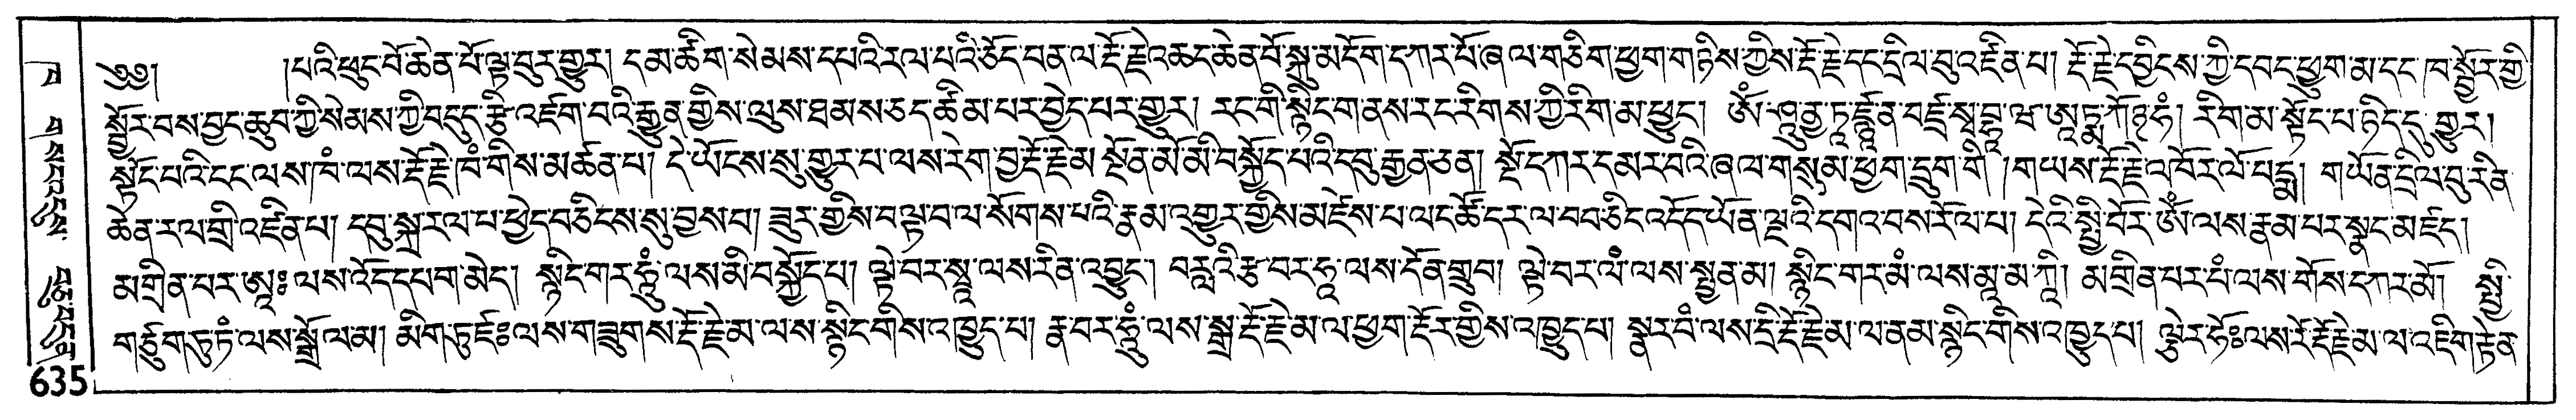༄༅། །པའི་ཕུང་པོ་ཆེན་པོ་ལྟ་བུར་གྱུར། དམ་ཚིག་སེམས་དཔའི་རལ་པའི་ཆོད་པན་ལ་རྡོ་རྗེ་འཆང་ཆེན་པོ་སྐུ་མདོག་དཀར་པོ་ཞལ་གཅིག་ཕྱག་གཉིས་ཀྱིས་རྡོ་རྗེ་དང་དྲིལ་བུ་འཛིན་པ། རྡོ་རྗེ་དབྱིངས་ཀྱི་དབང་ཕྱུག་མ་དང་ཁ་སྦྱོར་གྱི་
སྦྱོར་བས་བྱང་ཆུབ་ཀྱི་སེམས་ཀྱི་བདུད་རྩི་འཛག་བའི་རྒྱུན་གྱིས་ལུས་ཐམས་ཅད་ཚིམ་པར་བྱེད་པར་གྱུར། རང་གི་སྙིང་ག་ནས་རང་རིགས་ཀྱི་རིག་མ་ཕྱུང་། ཨོཾ་ཤཱུ་ནྱ་ཏཱ་ཛྙཱ་ན་བཛྲ་སྭ་བྷཱ་ཝ་ཨཱཏྨ་ཀོཉ་ཧཾ། རིག་མ་སྟོང་པ་ཉིད་དུ་གྱུར།
སྟོང་པའི་ངང་ལས་ཁཾ་ལས་རྡོ་རྗེ་ཁཾ་གིས་མཚན་པ། དེ་ཡོངས་སུ་གྱུར་པ་ལས་རེག་བྱ་རྡོ་རྗེ་མ་སྔོན་མོ་མི་བསྐྱོད་པའི་དབུ་རྒྱན་ཅན། སྔོ་དཀར་དམར་བའི་ཞལ་གསུམ་ཕྱག་དྲུག་གི །གཡས་རྡོ་རྗེ་འཁོར་ལོ་པདམ། གཡོན་དྲིལ་བུ་རིན་
ཆེན་རལ་གྲི་འཛིན་པ། དབུ་སྐྲ་རལ་པ་ཕྱེད་བཅིངས་སུ་བྱས་པ། ཟུར་གྱིས་བལྟ་བ་ལ་སོགས་པའི་རྣམ་འགྱུར་གྱིས་མཛེས་པ་ལང་ཚོ་དར་ལ་བབ་ཅིང་འདོད་ཡོན་ལྔའི་དགའ་བས་རོལ་པ། དེའི་སྤྱི་བོར་ཨོཾ་ལས་རྣམ་པར་སྣང་མཛད།
མགྲིན་པར་ཨཱཿ ལས་འོད་དཔག་མེད། སྙིང་གར་ཧཱུཾ་ལས་མི་བསྐྱོད་པ། ལྟེ་བར་སྭཱ་ལས་རིན་འབྱུང་། བརླའི་རྩ་བར་ཧཱ་ལས་དོན་གྲུབ། ལྟེ་བར་ལཾ་ལས་སྤྱན་མ། སྙིང་གར་མཾ་ལས་མཱ་མ་ཀཱི། མགྲིན་པར་པཾ་ལས་གོས་དཀར་མོ། སྤྱི་
གཙུག་ཏུ་ཏཾ་ལས་སྒྲོལ་མ། མིག་ཏུ་ཛཿ ལས་གཟུགས་རྡོ་རྗེ་མ་ལས་སྙིང་གིས་འཁྱུད་པ། རྣ་བར་ཧཱུཾ་ལས་སྒྲ་རྡོ་རྗེ་མ་ལ་ཕྱག་རྡོར་གྱིས་འཁྱུད་པ། སྣར་བཾ་ལས་དྲི་རྡོ་རྗེ་མ་ལ་ནམ་སྙིང་གིས་འཁྱུད་པ། ལྕེར་ཧོཿ ལས་རོ་རྡོ་རྗེ་མ་ལ་འཇིག་རྟེན་